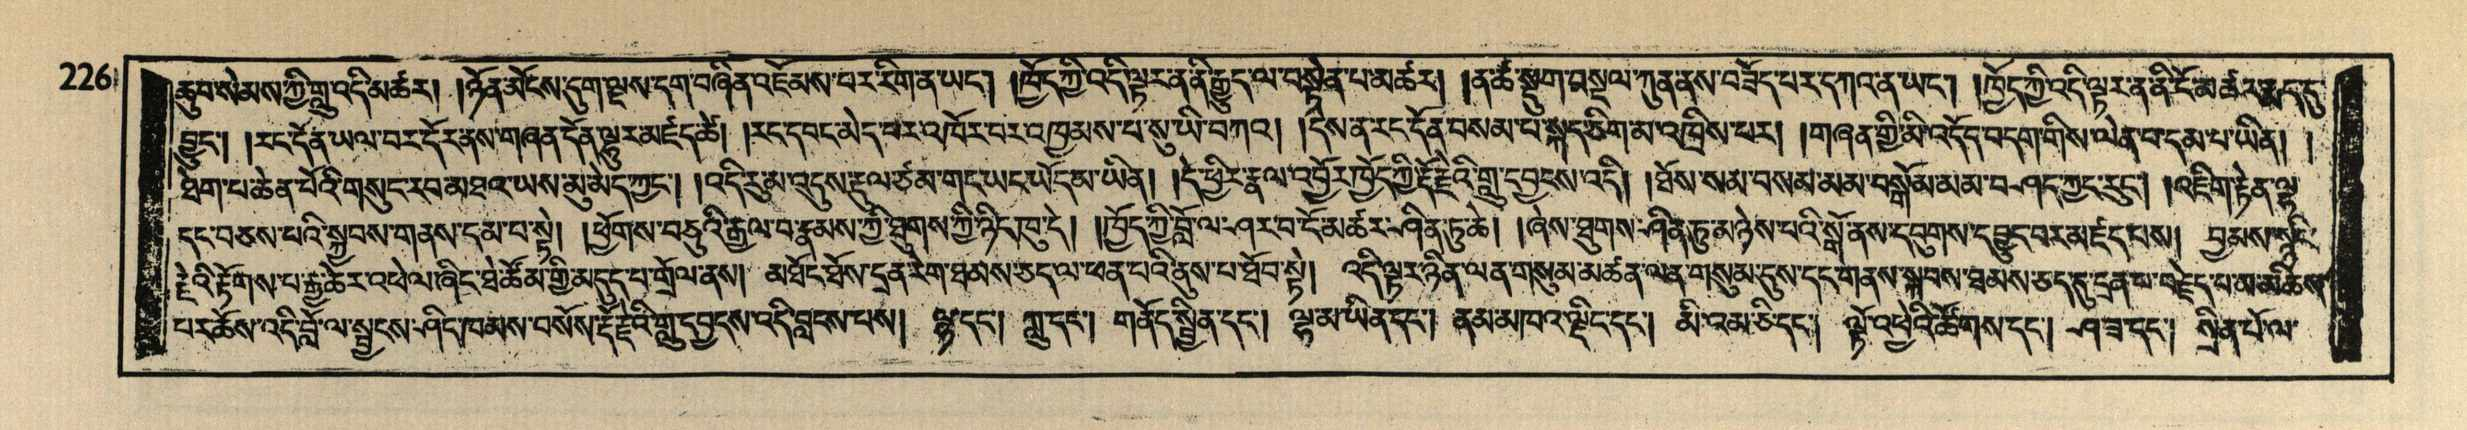ཆུབ་སེམས་ཀྱི་གླུ་འདི་མཚར། །ཉོན་མོངས་དུག་ལྔས་དག་བཞིན་འཇོམས་པར་རིག་ན་ཡང་། །ཁྱོད་ཀྱི་འདི་ལྟར་ན་ནི་རྒྱུད་ལ་བསྟེན་པ་མཚར། །ན་ཚ་སྡུག་བསྔལ་ཀུན་ནས་བཟོད་པར་དཀའ་ན་ཡང་། །ཁྱོད་ཀྱི་འདི་ལྟར་ན་ནི་ངོ་མཚར་རྨད་དུ་
བྱུང་། །རང་དོན་ཡལ་བར་དོར་ནས་གཞན་དོན་ལྷུར་མཛད་ཚེ། །རང་དབང་མེད་པར་འཁོར་བར་འཁྱམས་པ་སུ་ཡི་བཀའ། །དེས་ན་རང་དོན་བསམ་པ་སྐད་ཅིག་མ་འཁྲིས་པར། །གཞན་གྱི་མི་འདོད་བདག་གིས་ལེན་བ་དམ་པ་ཡིན། །
ཐེག་པ་ཆེན་པོའི་གསུང་རབ་མཐའ་ཡས་མུ་མེད་ཀྱང་། །འདི་རུ་མ་འདུས་རྡུལ་ཙམ་གང་ཡང་ཡོད་མ་ཡིན། །དེ་ཕྱིར་རྣལ་འབྱོར་ཁྱོད་ཀྱི་རྡོ་རྗེའི་གླུ་དབྱངས་འདི། །ཐོས་སམ་བསམ་མམ་བསྒོམ་མམ་བཤད་ཀྱང་རུང་། །འཇིག་རྟེན་ལྷ་
དང་བཅས་པའི་སྐྱབས་གནས་དམ་པ་སྟེ། །ཕྱོགས་བཅུའི་རྒྱལ་བ་རྣམས་ཀྱི་ཐུགས་ཀྱི་ཉིང་ཁུ་དེ། །ཁྱོད་ཀྱི་བློ་ལ་ཤར་བ་ངོ་མཚར་ཤིན་ཏུ་ཆེ། །ཞེས་ཐུགས་ཤིན་ཏུ་མཉེས་པའི་སྒོ་ནས་དབུགས་དབྱུང་བར་མཛད་པས། བྱམས་སྙིང་
རྗེའི་རྟོགས་པ་རྒྱ་ཆེར་འཕེལ་ཞིང་ཐེ་ཚོམ་གྱི་མདུད་པ་གྲོལ་ནས། མཐོང་ཐོས་དྲན་རེག་ཐམས་ཅད་ལ་ཕན་པའི་ནུས་པ་ཐོབ་སྟེ། འདི་ལྟར་ཉིན་ལན་གསུམ་མཚན་ལན་གསུམ་དུས་དང་གནས་སྐབས་ཐམས་ཅད་དུ་དྲན་པ་བརྗེད་པ་མ་མཆིས་
པར་ཆོས་འདི་བློ་ལ་སྦྱངས་ཤིང་ཁམས་བསོས་རྡོ་རྗེའི་གླུ་དབྱངས་འདི་བླངས་པས། ལྷ་དང་། ཀླུ་དང་། གནོད་སྦྱིན་དང་། ལྷ་མ་ཡིན་དང་། ནམ་མཁའ་ལྡིང་དང་། མིའམ་ཅི་དང་། ལྟོ་འཕྱེའི་ཚོགས་དང་། ཤ་ཟ་དང་། སྲིན་པོ་ལ་